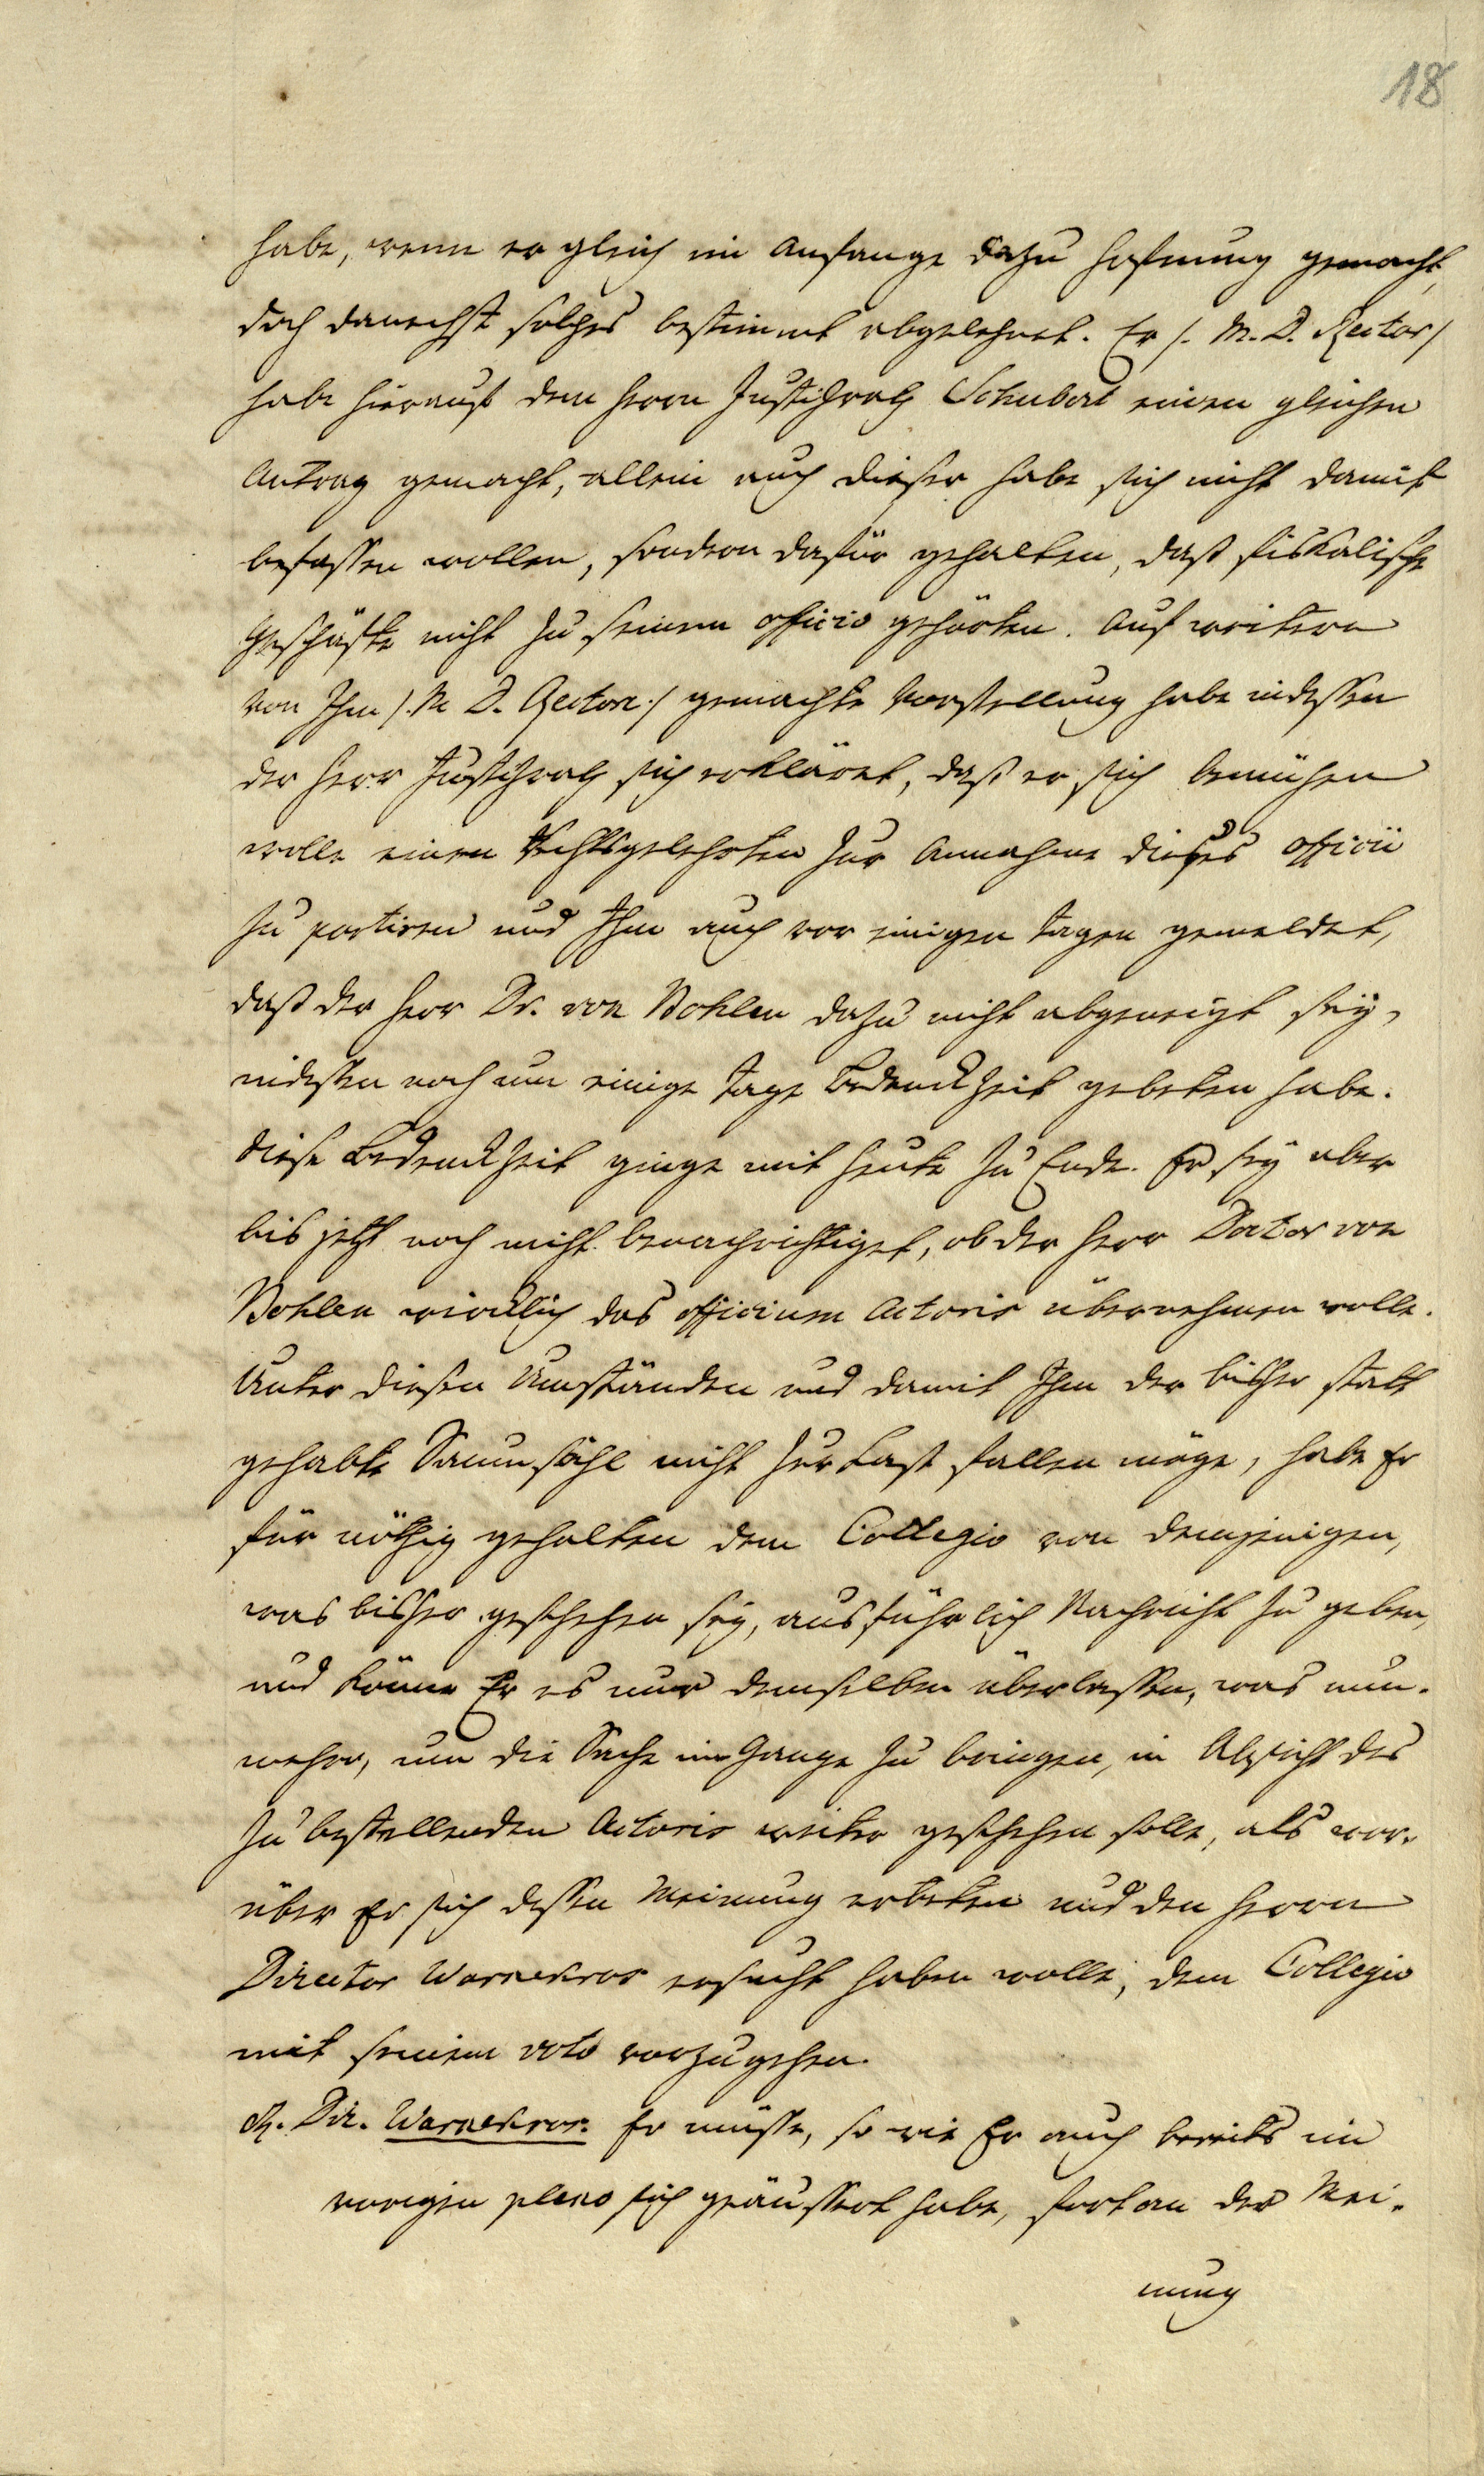habe, wenn er gleich in Anfange dazu Hofnung gemacht,
doch danechst solches bestimmt abgelehnet. Er /. M. D. Rector/
habe hierauf dem Herrn Justizrath Schubert einen gleichen
Antrag gemacht, allein auch dieser habe sich nicht damit
befassen wollen, sondern dafür gehalten, daß fikalische
Geschäfte nicht zu seinem officio gehörten. Auf weitere
von Ihm /.M. D. Rector./ gemachte Vorstellung habe indessen
der Herr Justizrath sich erkläret, daß er sich bemühen
wolle einen Rechtsgelehrten zur Annahme dieses officii
zu portiren und Ihm auch vor einigen Tagen gemeldet,
daß der Herr Dr. von Bohlen dazu nicht abgeneigt seÿ,
indessen noch um einige Tage Bedenkzeit gebeten habe.
diese Bedenkzeit ginge mit heute zu Ende. Er seÿ aber
bis jetzt noch nicht benachrichtiget, ob der Herr Doctor von
Bohlen wircklich das officium Actoris übernehmen wolle.
Unter diesen Umständen und damit Ihm der bisher statt
gehabte Saumsahl nicht zur Last fallen möge, habe Er
für nöthig gehalten dem Collegio von demjenigen,
was bisher geschehen seÿ, ausführlich Nachricht zu geben,
und könne Er es nur demselben überlassen, was nun¬
mehro, um die Sache in Gange zu bringen, in Absicht des
zu bestellenden Actoris weiter geschehen solle, als wor¬
über Er sich dessen Meinung erbeten und den Herrn
Director Warnekros ersucht haben wolle, dem Collegio
mit seinem voto vorzugehen
dh. Dir. Warnekros. Er müsse, so wie Er auch bereits im
vorigen pleno sich geäussert habe, fortan der Mei¬
nung